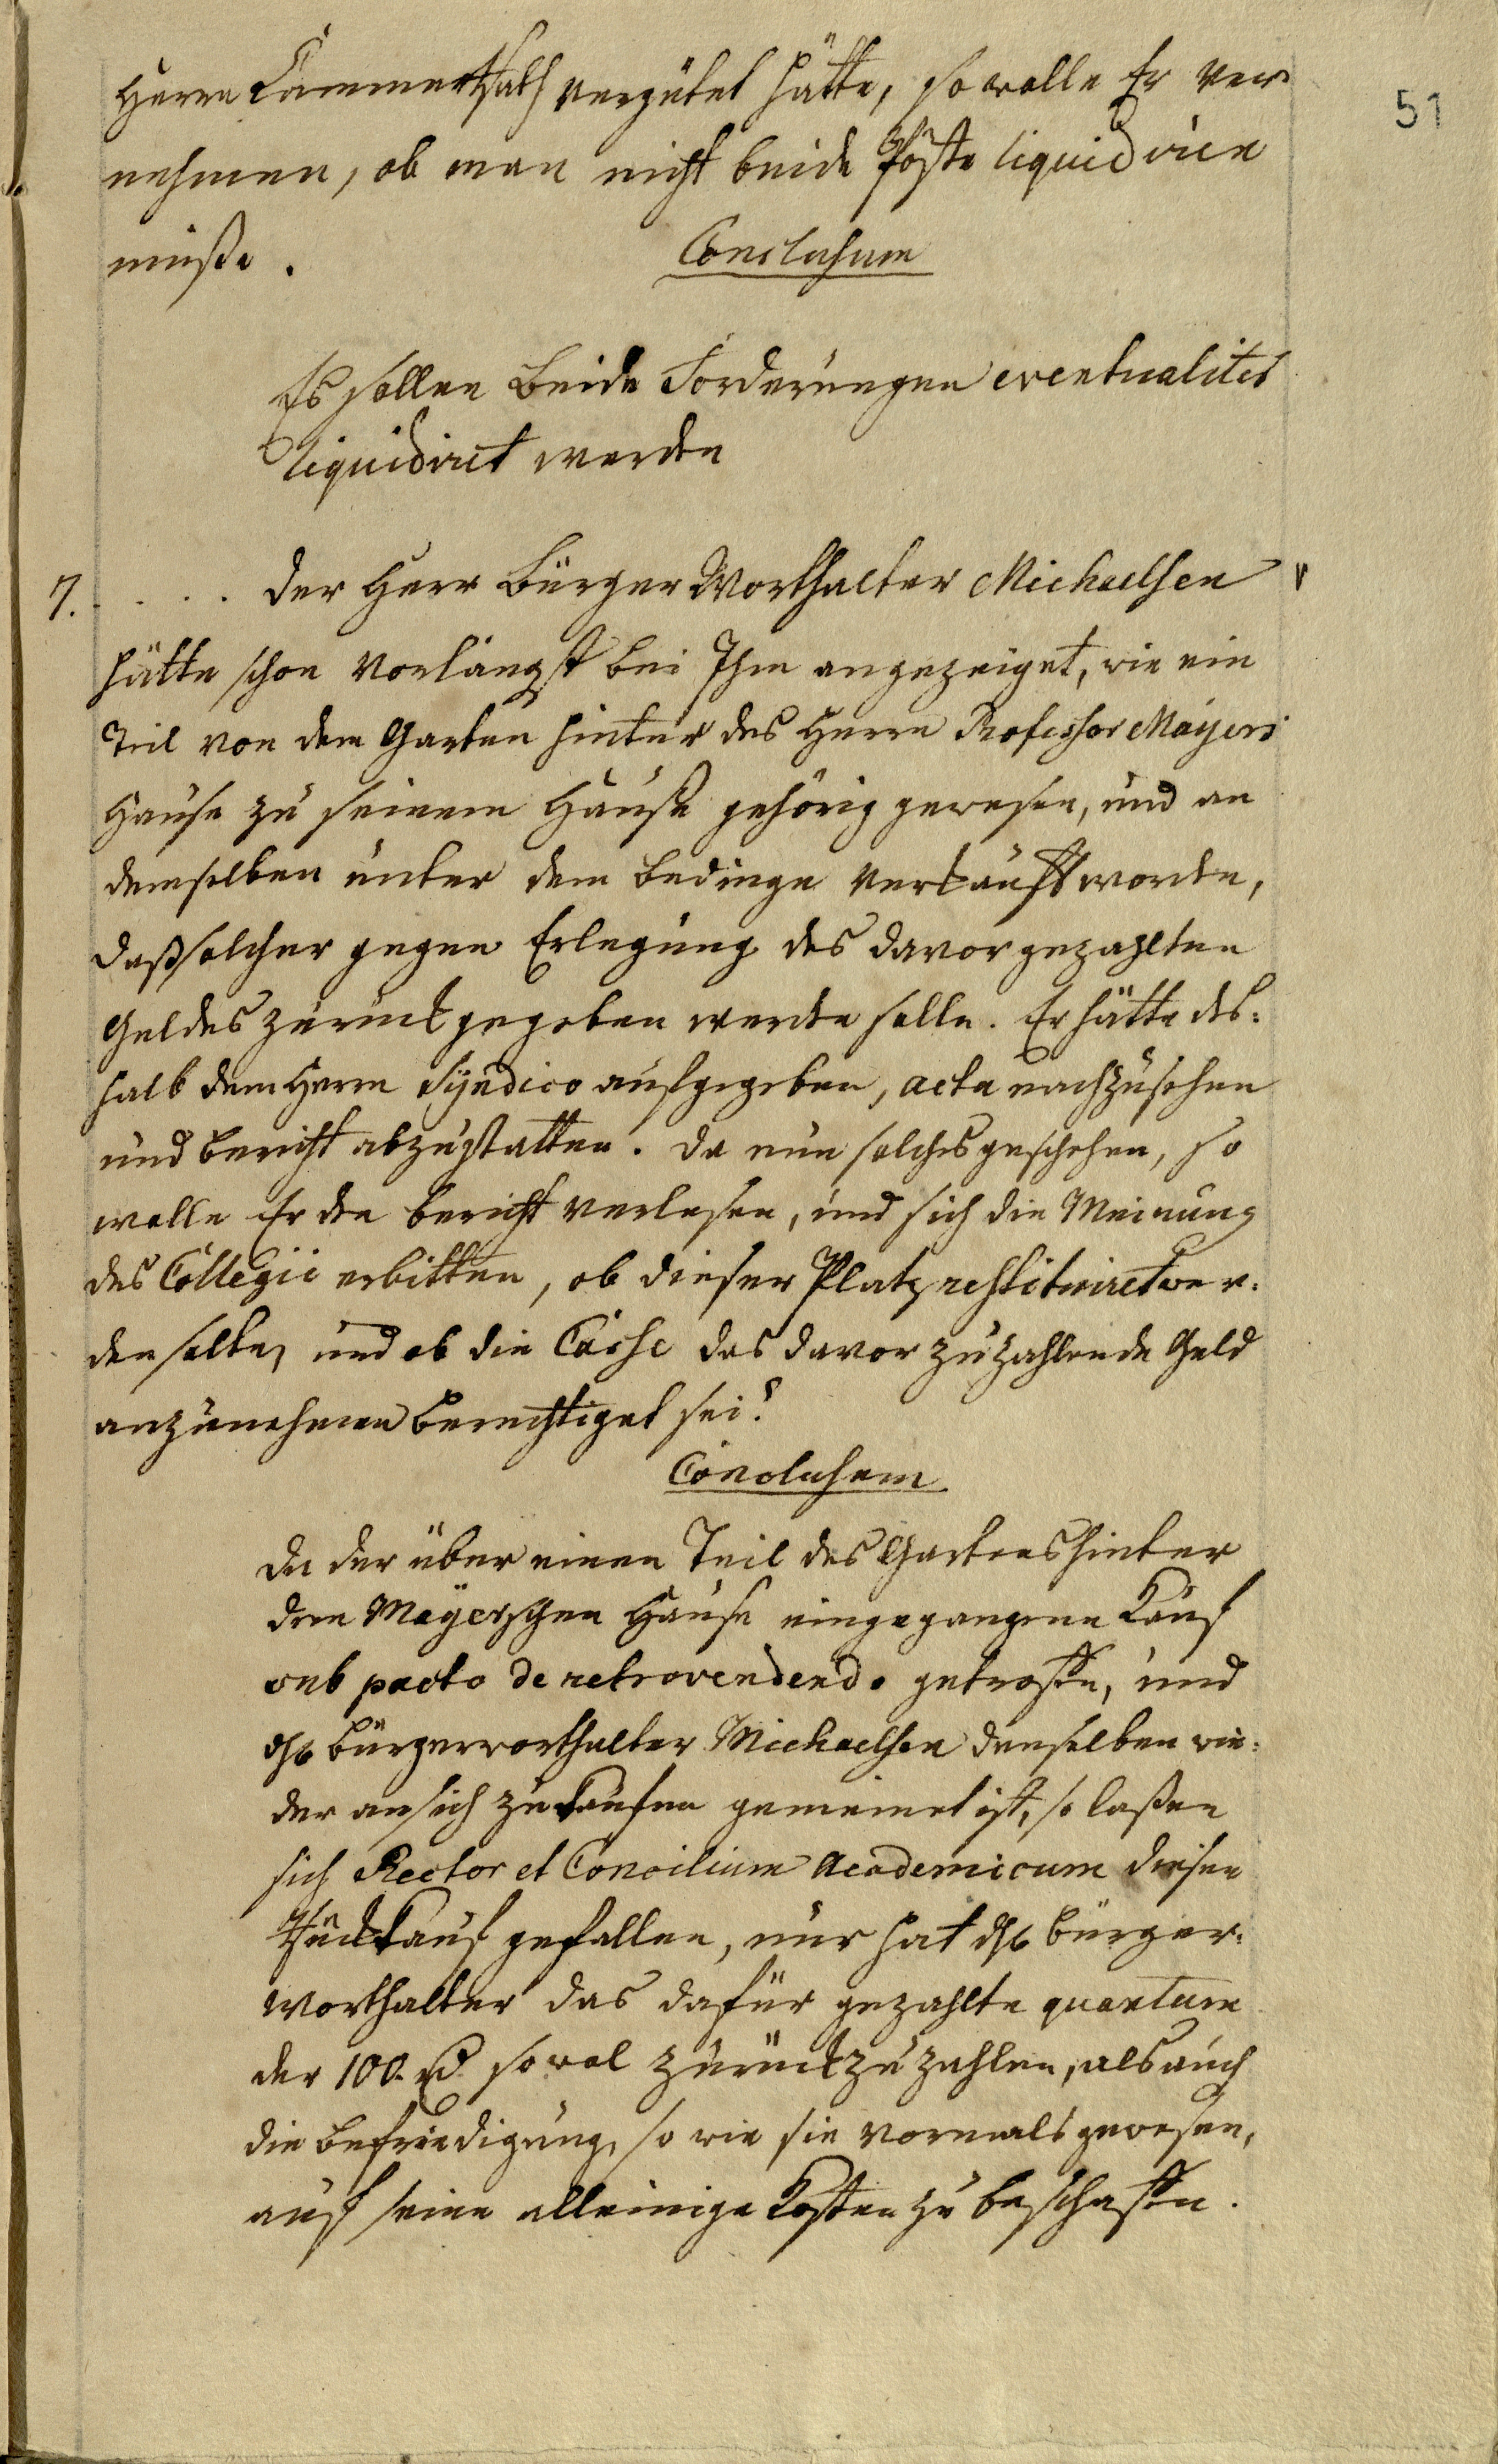Herrn CammertRath vergütet hätte, so wolle Er ver¬
nehmen, ob man nicht beide Pöste liquidiren
müße,
Conclusum
Es sollen beide Forderungen eventualiter
liquidiret werden
7. der Herr Bürger Worthalter Michaelsen
hätte schon vorlängst bei Ihm angezeiget, wie ein
Teil von dem Garten hinter des Herrn Professor Maÿers
Hause zu seinem Hause gehörig gewesen, und an
demselben unter dem Bedinge verkauft worden,
daß solcher gegen Erlegung des davor gezahlten
Geldes zurückgegeben werden solle. Er hätte des¬
halb dem Herrn Sÿndico aufgegeben, Acta nachzusehen
und Bericht abzustatten. Da nun solches geschehen, so
wolle Er den Bericht verlesen, und sich die Meinung
des Collegii erbitten, ob dieser Platz restituiret wer¬
den solte, und ob die Casse das davor zuzahlende Geld
anzunehmen berechtiget sei?
Conclusum
Da der über einen Theil des Gartens hinter
dem Maÿerschen Hause eingegangene Kauf
sub pacto de retrovendendo getroffen, und
dh Bürgerworthalter Michaelsen denselben wie¬
der an sich zu kauten gemeinet ist, so laßen
sich Rector et Concilium Academicum diesen
Rückkauf gefallen, nur hat dh. Bürger¬
Worthalter das dafür gezahlte quantum
der 100 r. so wol zurückzuzahlen, als auch
die Befriedigung, so wie sie vormals gewesen,
auf seine alleinige Kosten zu beschaffen.